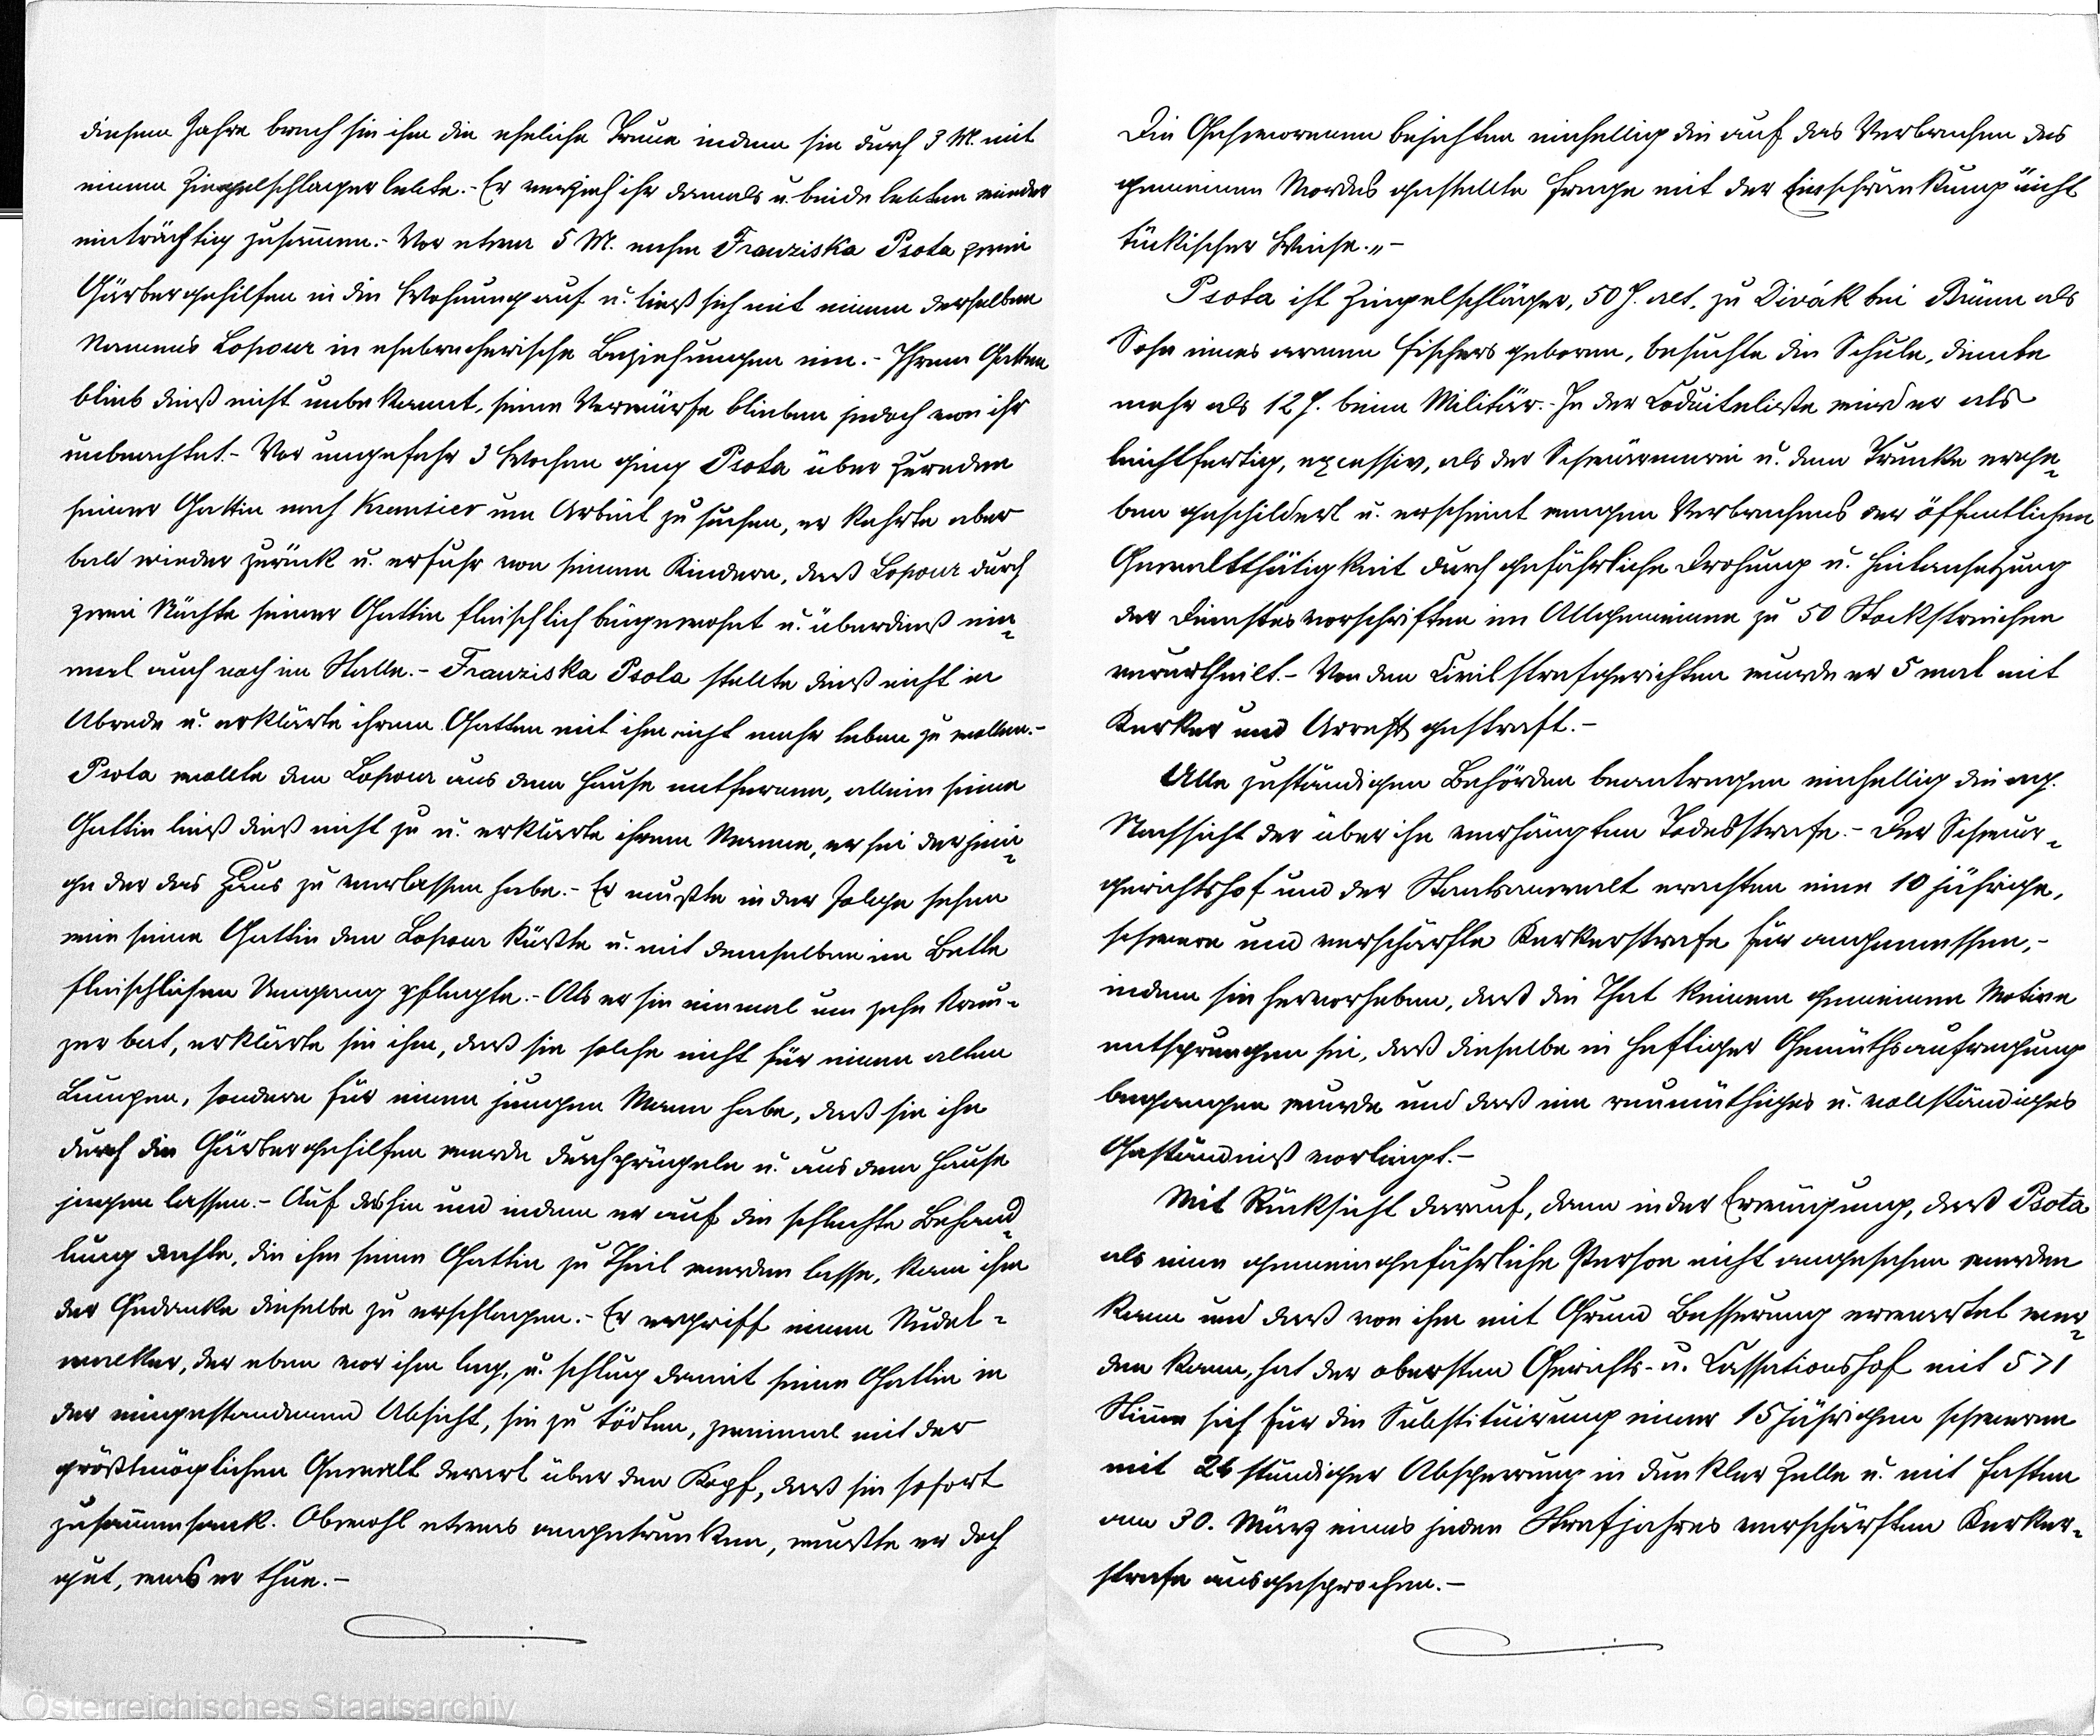diesem Jahre brech sie ihm die eheliche Treue indem sie durch 3 M. mit
einem Zingelschlager lebte. - Er verzieh ihr damals u. beide lebten wunder
einträchtig zusammen. - Vor etwa 5 M. nehm Franziska Psota zwei
Gärbergehilfen in die Wohnung auf u. ließ sich mit einem derselben
Namens Lopour in ehebrecherische Beziehungen ein. - Ihrem Gatten
blieb dieß nicht unbe Kannt, seine Verwürfe blieben jedoch von ihr
unbeachtet. - Vor ungefahr 3 Wochen ging Psota über Zureden
seiner Gattin nach Krantier um Arbeit zu suchen, er Kehrte aber
bald wieder zurück u. erfuhr von seinem Kindern, daß Lopour durch
zwei Nächte seiner Gattin fleischlich bürgewohet u. überdies ein¬
mal auch noch im Statte. - Franziska Psola stellte dies eicht in
Abrede u. erklärte ihrem. Gatten mit ihm nicht mehr leben zu wallen. -
Psola wollte am Lopour aus dem Hause entfernen, allein seine
Gattin ließ dieß nicht zu u. erklärte ihrem Manen, er sei der hein¬
ge der das Haus zu verlassen habe. - Er mußte in der Folge sehen
eine seine Gattin den Lopour Kürste u. mit demselben im Bette
fleischlichen Nergang pflegte. - Als er sie einmal um sehe Kreu¬
zer bat, erklärte sie ihm, daß sie solche nicht für einen alten
Lumpen, sondern für einem jungen Mann habe, daß sie ihn
durch die Gärbergehilfen wurde durchprügele u. aus dem Hause
jagen lassen. - Auf das sie und indem er auf die schlachte Behand¬
lung deste, die ihm seine Gattin zu Theil werden lasse, kam ihm
der Gedreke dieselbe zu erschlagen. - Er ergriff einen Nudel¬
wecker, der eben vor ihm lag, u. schlug damit seine Gattin in
der eingestandnem Absicht, sie zu tödten, zweimal mit der
größtmöglichen Gemalt derart über den Kopf, daß sie sofort
zusammensank. Obwohl etwas angetrunken, neuste er doch
gut, mars er thun. -
Die Gessemrenen bejahten einhellig die auf das Verbrehen des
gemeinen Mordes gestellte Frage mit der Einschränkung "nicht
tückischer Weise." -
Psota ist Ziegelschläger, 50 J. als. zu Divák bei Brünn als
Sohn eines armen Fischers geboren, besuchte die Schule, diente
mehr als 12 J. beim Militär. - In der Coduiteliste mied er als
leichtfertig, excessir, als der Schwärmerei u. dem Trunke ernse¬
ben geschildert u. erscheint wegen Verbrechens der öffentlichen
Gewaltthätigkeit durch gefährliche Drohung u. Heilansetzung
der Dienstes vorschriften im Allgemeinen zu 50 Stockstreichen
verurtheilt. - Von dem Civilstrafgerichten wurde er 5 mal mit
Kerker und Arrest gestraft. -
Alla zustand ihre Behörden beantragen einhellig die ag.
Nachsicht der über ihn verhängten Todesstrafe. - Der Schwur¬
gerichtshof und der Staatsanwalt erachten eine 10 jährige,
schwere und verschärfte Kerkerstrafe für angemessen, -
indem sie hervorheben, daß die That keinem gemeinen Motive
entsprungen sei, daß dieselbe in heftiger Gemüthsaufregung
begangen wurde und daß ein reumüthiges u. vollständiges
Geständnis vorliegt. -
Mit Rucksicht darauf, dem in der Erwägung, daß Psota
als eine gemeingefährliche Person nicht angesehen werden
Kann und daß von ihm mit Grün Besserung erwartet wer¬
den kann, hat der obersten Gerichts- u. Cassationshof mit 571
Stinnes sich für die Substituirung einer 15 jährigen schweren
mit 24 stundiger Absperrung in dunkler Zelle u. mit fasten
am 30. März eines jeden Strafjahres verschärften Kerker¬
strafe ausgesprochen. -